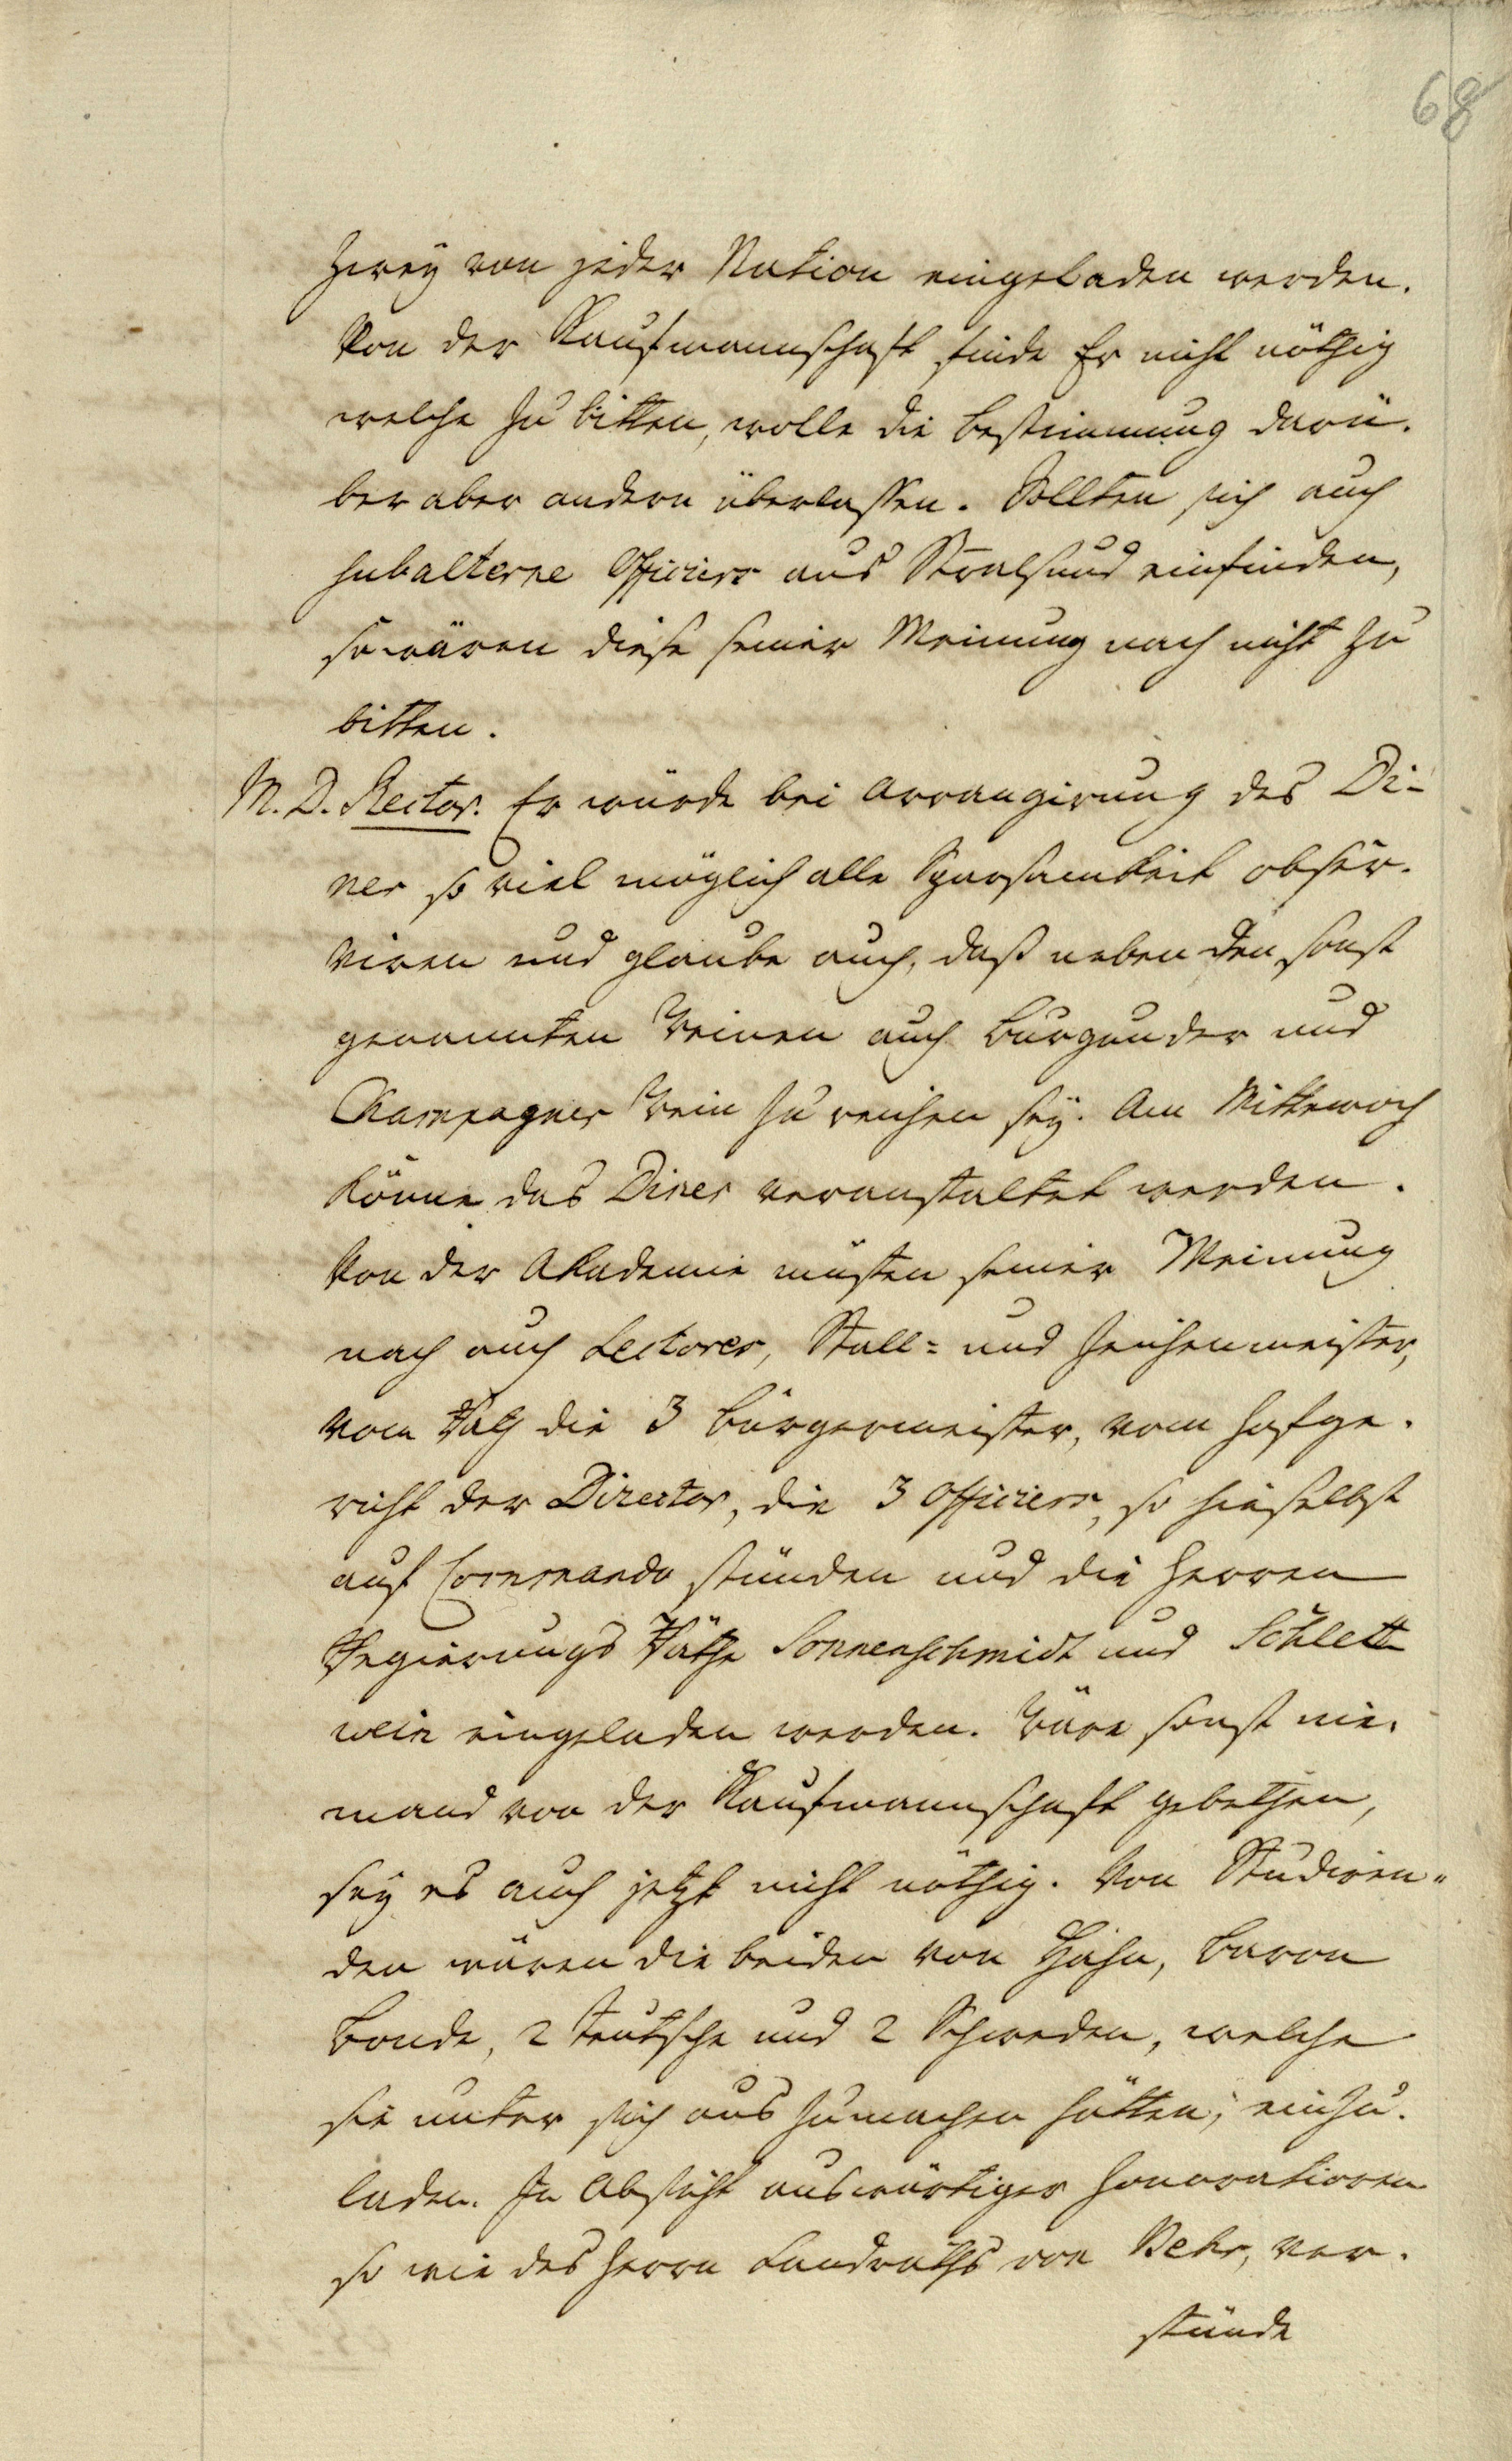zweÿ von jeder Nation eingeladen werden.
Von der Kaufmannschaft finde Er nicht nöthig
welche zu bitten, wolle die Bestimmung darü¬
ber aber andern überlassen. Sollten sich auch
subalterne Officiers aus Stralsund einfinden,
so wären diese seiner Meinung nach nicht zu
bitten.
M. D. Rector. Er würde bei Arrangirung des Di¬
ner so viel möglich alle Sparsamkeit obser¬
viren und glaube auch, daß neben den sonst
genannten Weinen auch Burgunder und
Champagner Wein zu reichen seÿ. Am Mittewoch
könne das Diner veranstaltet werden.
Von der Akademie müssen seiner Meinung
nach auch Lectores, Stall- und Zeichenmeister,
vom Rath die 3 Bürgermeister, vom Hofge¬
richt der Director, die 3 Officiers, so hieselbst
auf Commando stünden und die Herren
Regierungs Räthe Sonnenschmidt und Schlett¬
wein eingeladen werden. Wäre sonst nie¬
mand von der Kaufmannschaft gebethen,
seÿ es auch jetzt nicht nöthig. Von Studiren¬
den wären die beiden von Hahn, Baron
Bonde, 2 Teutsche und 2 Schweden, welche
sie unter sich aus zumachen hätten; einzu¬
laden. In Absicht auswärtiger Honoratioren
so wie des Herrn Landraths von Behr, ver¬
stünde